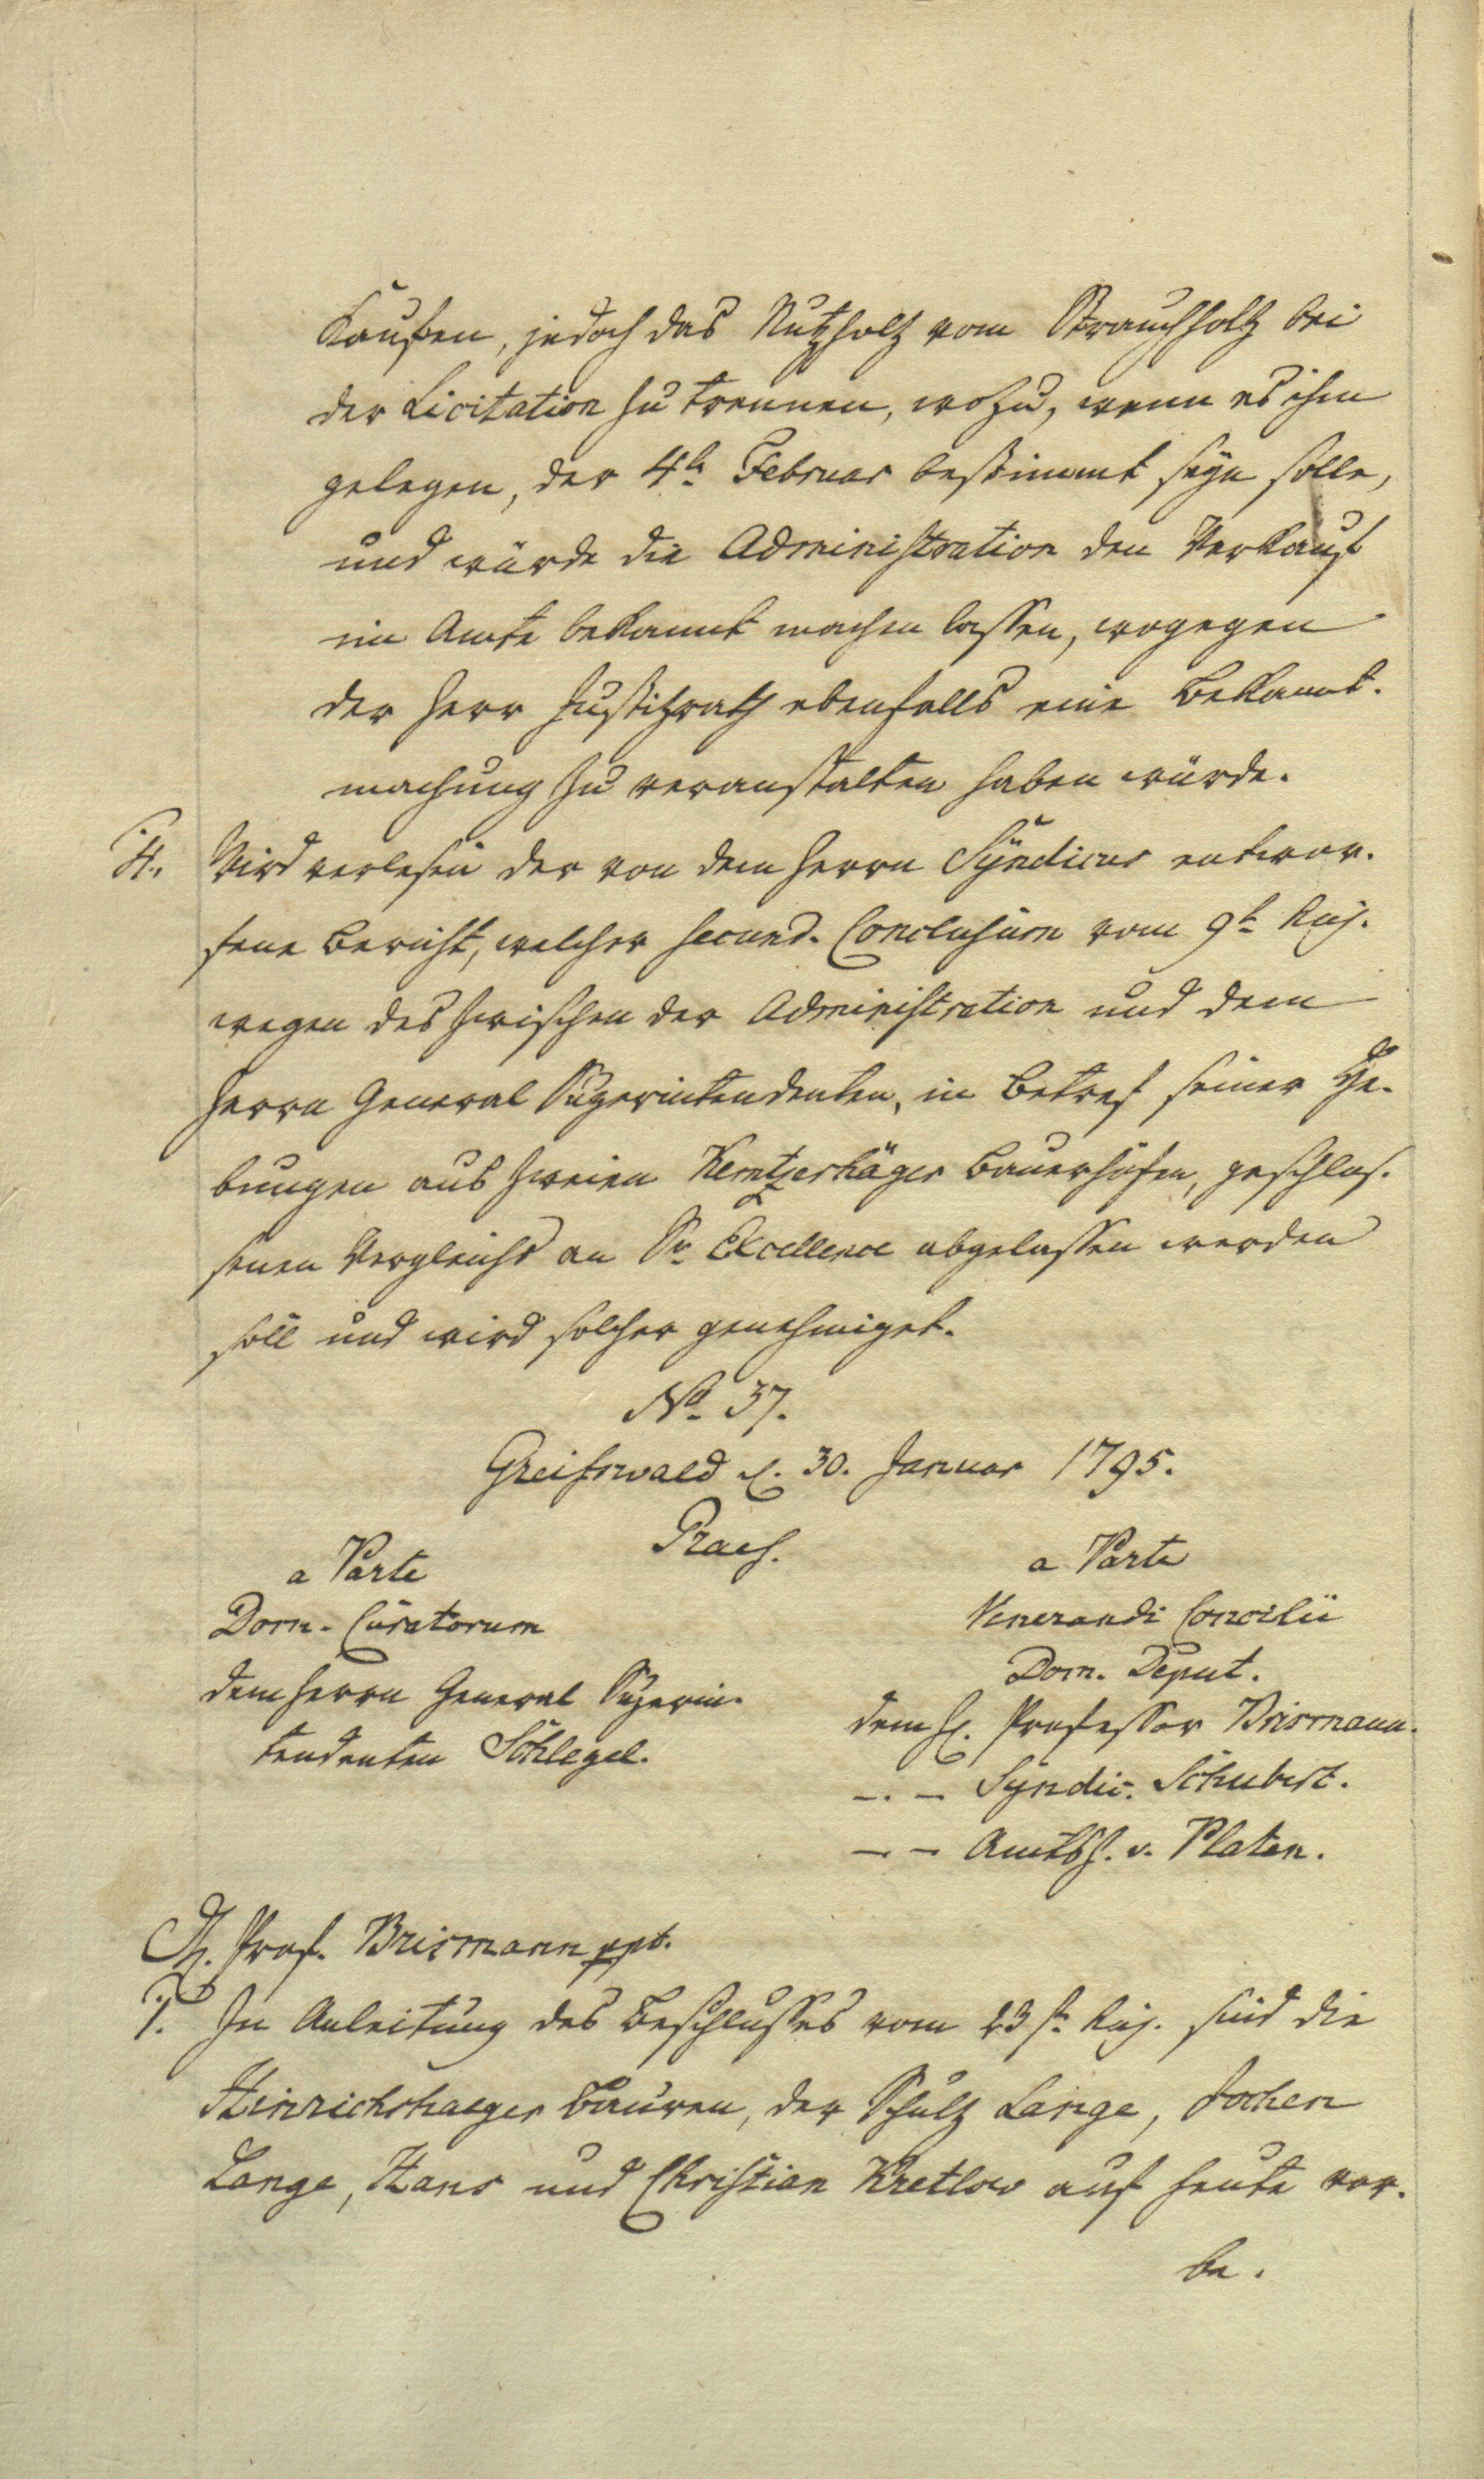kaufen, jedoch das Nutzholz von Strauchholz bei
gelegen, der 4 t. Februar bestimmt seÿn solle,
der Licitation zu trennen, wozu, wenn es ihm
und würde die Administration den Verkauf
in Amte bekannt machen lassen, wogegen
der Herr Justizrath ebenfalls eine Bekannt¬
machung zu veranstalten haben würde.
4. Wird verlesen der von dem Herrn Sÿndicus entwor¬
fene Bericht, welcher secund. Conclusum vom 9 te huj.
wegen des zwischen der Administration und dem
Herrn General Superintendenten, in Betref seiner He¬
bungen aus zweien Kemtzerhäger Bauerhöfen, geschlos¬
senen Vergleichs an Sr Excellence abgelassen werden
soll und wird solcher genehmiget.
No 37.
Greifswald d. 30. Januar 1795.
Praes.
a Parte a Parte
Dom. Curatorum
Venerandi Concilii
Dom. Deput.
dem h. Professor Brismann.
dem Herrn General Superin¬
tendenten Schlegel.
Sÿndic. Schubert.
Amtsh. v. Platen.
dh. Prof. Brimann ppt.
1. In Anleitung des Beschlusses vom 23 st huj. sind die
Hinrichshaeger Bauren, der Schulz Lange, Jochen
Lange, Hans und Christian Kretlow auf heute vor¬
be¬